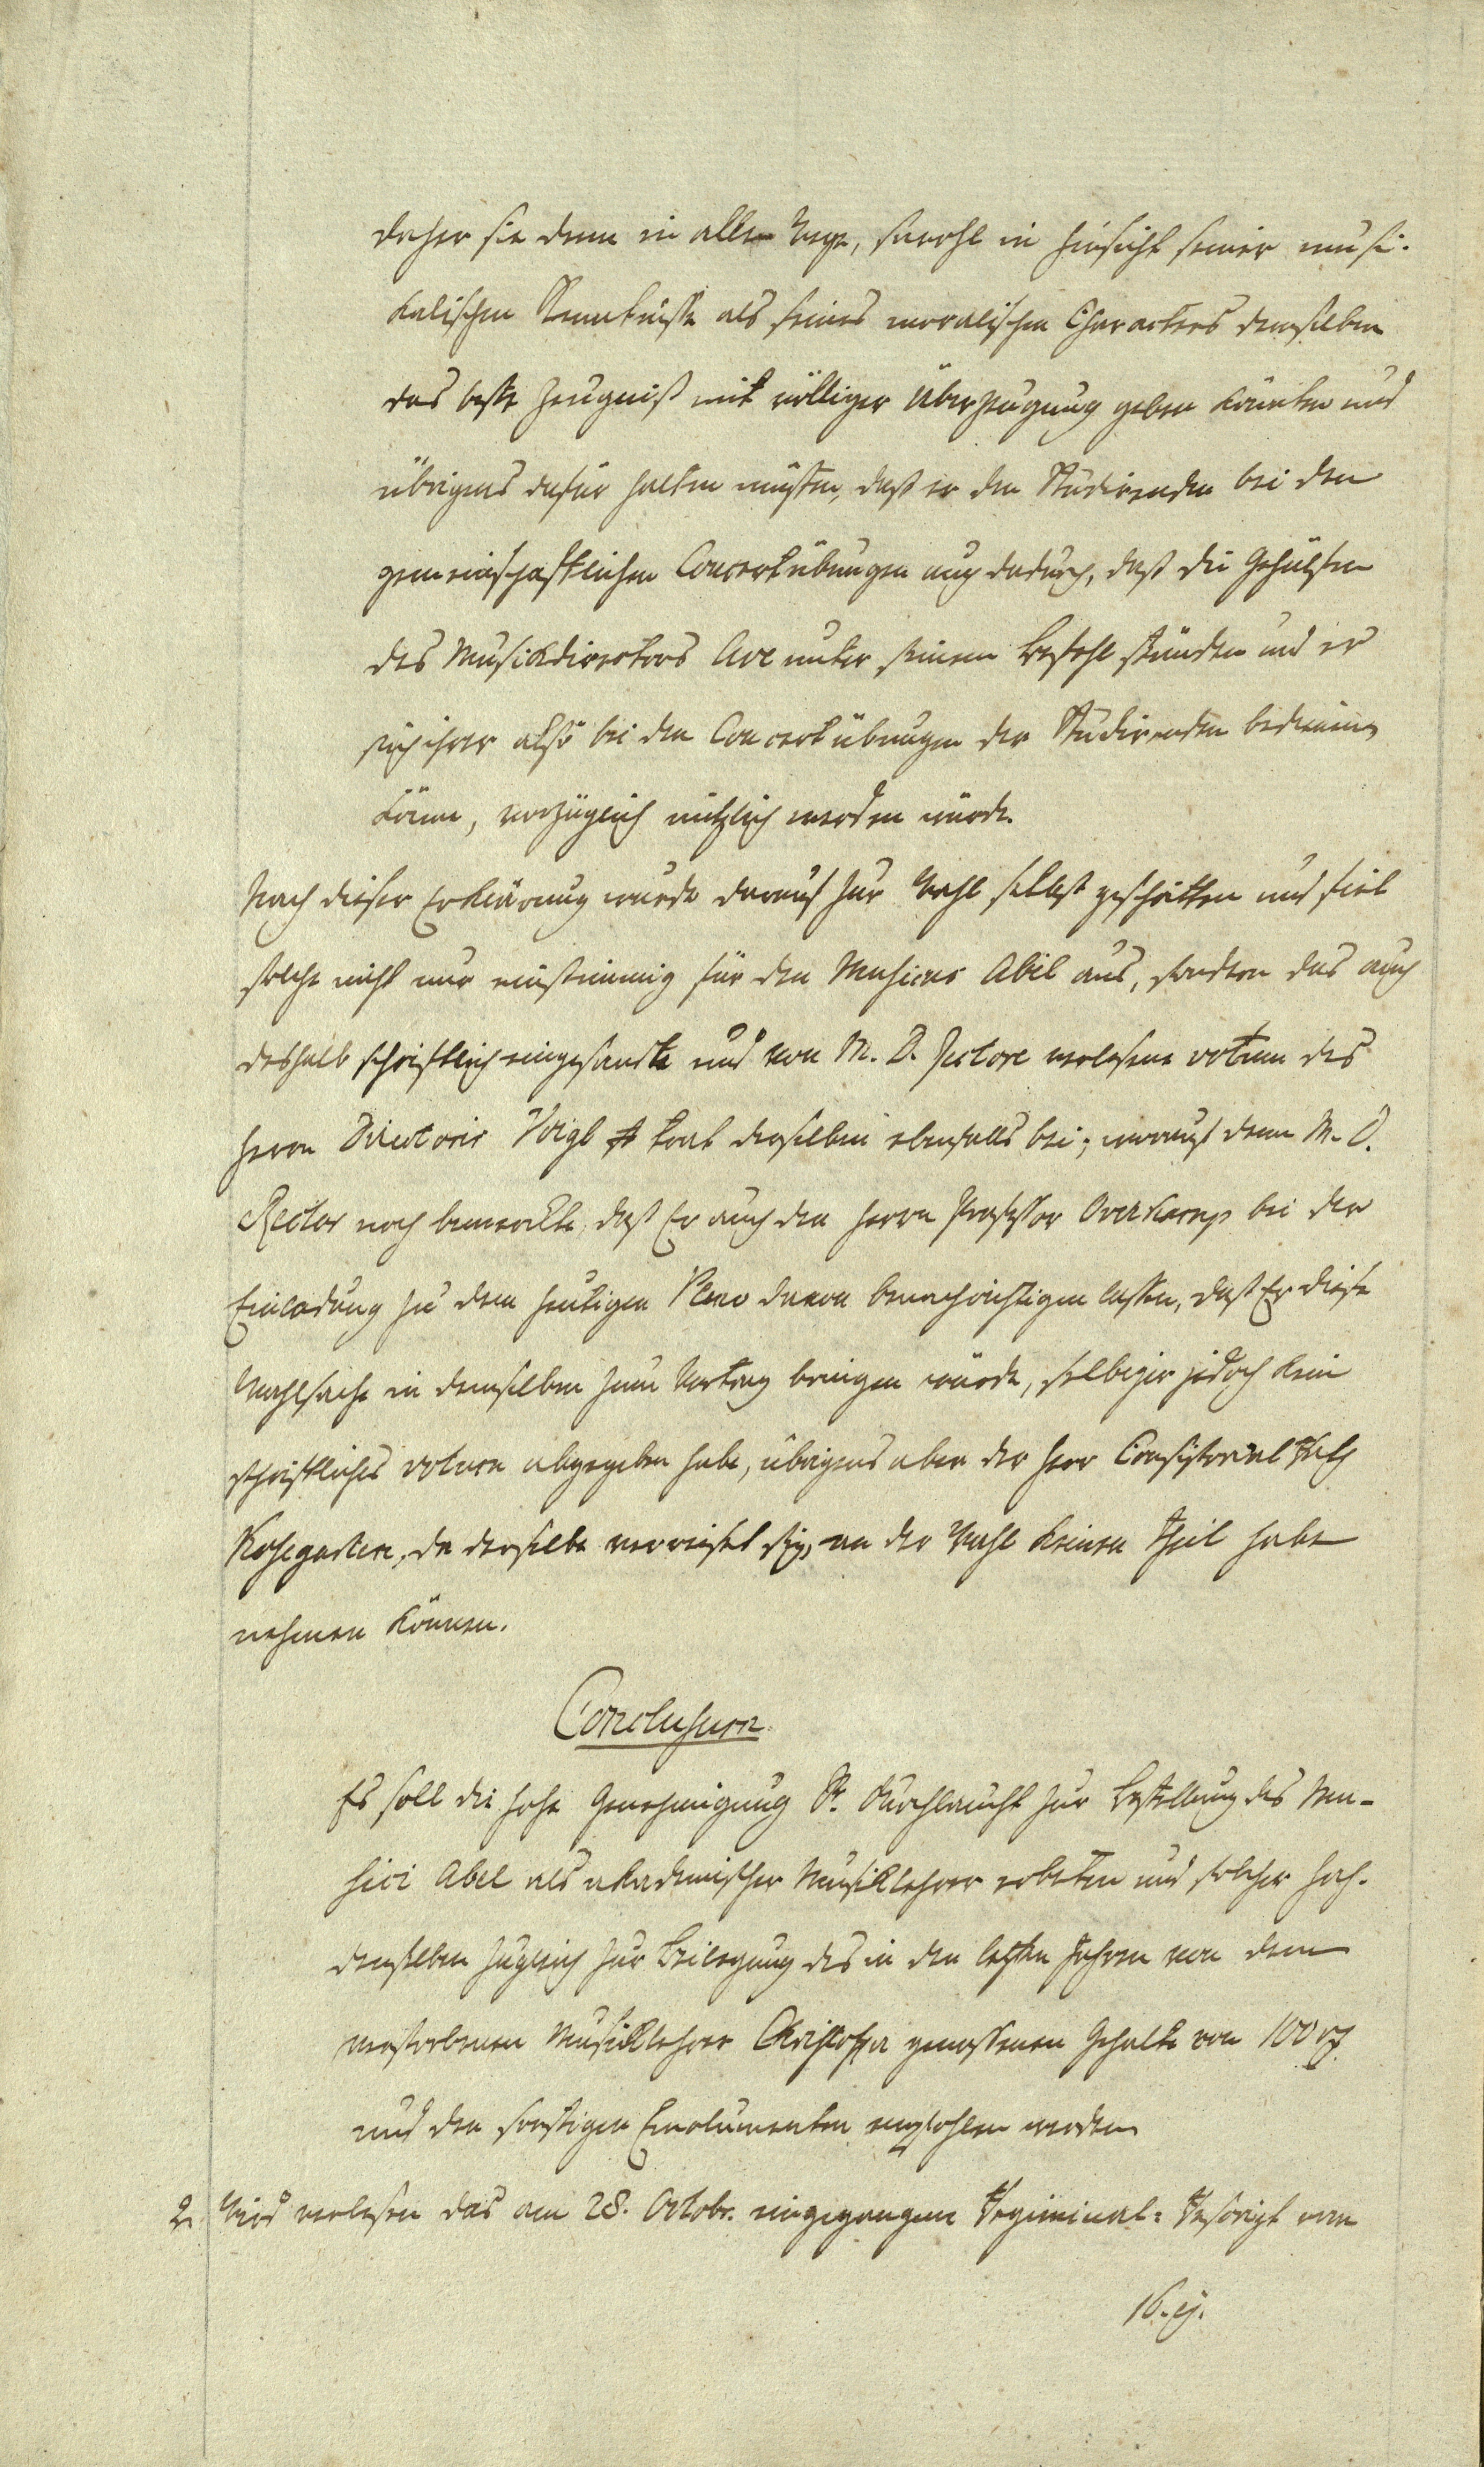daher sie denn in allen Wege, sowohl in hinsicht seiner musi¬
kalischen Kenntnisse als seines moralischen Characters demselben
das beste Zeugniß mit völliger Überzeugung geben könnten und
übrigens dafür halten müsten, daß er den Studirenden bei den
gemeinschaftlichen Concertübungen auch dadurch, daß die Gehülfen
des Musikdirectors Ave unter seinem Befehl stünden und er
sich ihrer also bei den Concertübungen der Studirenden bedienen
könne, vorzüglich nützlich werden würde.
Nach dieser Erklärung wurde darauf zur Wahl selbst geschritten und fiel
solche nicht nur einstimmig für den Musicus Abel aus, sondern das auch
deshalb schriftlich eingesandte und von M. D. Rectore verlesene votum des
Herrn Directoris Voigt st trat derselben ebenfalls bei; worauf denn M. D.
Rector noch bemerckte, daß Er auch den Herrn Professor Overkamp bei der
Einladung zu dem heutigen Pleno davon benachrichtigen lassen, daß Er diese
Wahlsache in demselben zum Vortrag bringen würde, selbiger jedoch kein
schriftliches votum abgegeben habe, übrigens aber der Herr ConsistorialRath
Kosegarten, da derselbe verreiset seÿ, an der Wahl keinen Theil habe
nehmen können.
Conclusum
Es soll die hohe Genehmigung Sr. Durchlaucht zur Bestellug des Mu¬
sici Abel als akademischer Musiklehrer erbeten und solcher hoch¬
denselben zugleich zur Beilegung des in den letzten Jahren von dem
verstorbenen Musicklehrer Christopher genossenen Gehalte von 100 rt
und den sonstigen Emolumenten empfohlen werden.
2. Wird verlesen das am 28. Octobr. eingegangene Regiminal- Rescript vom
16. ej.